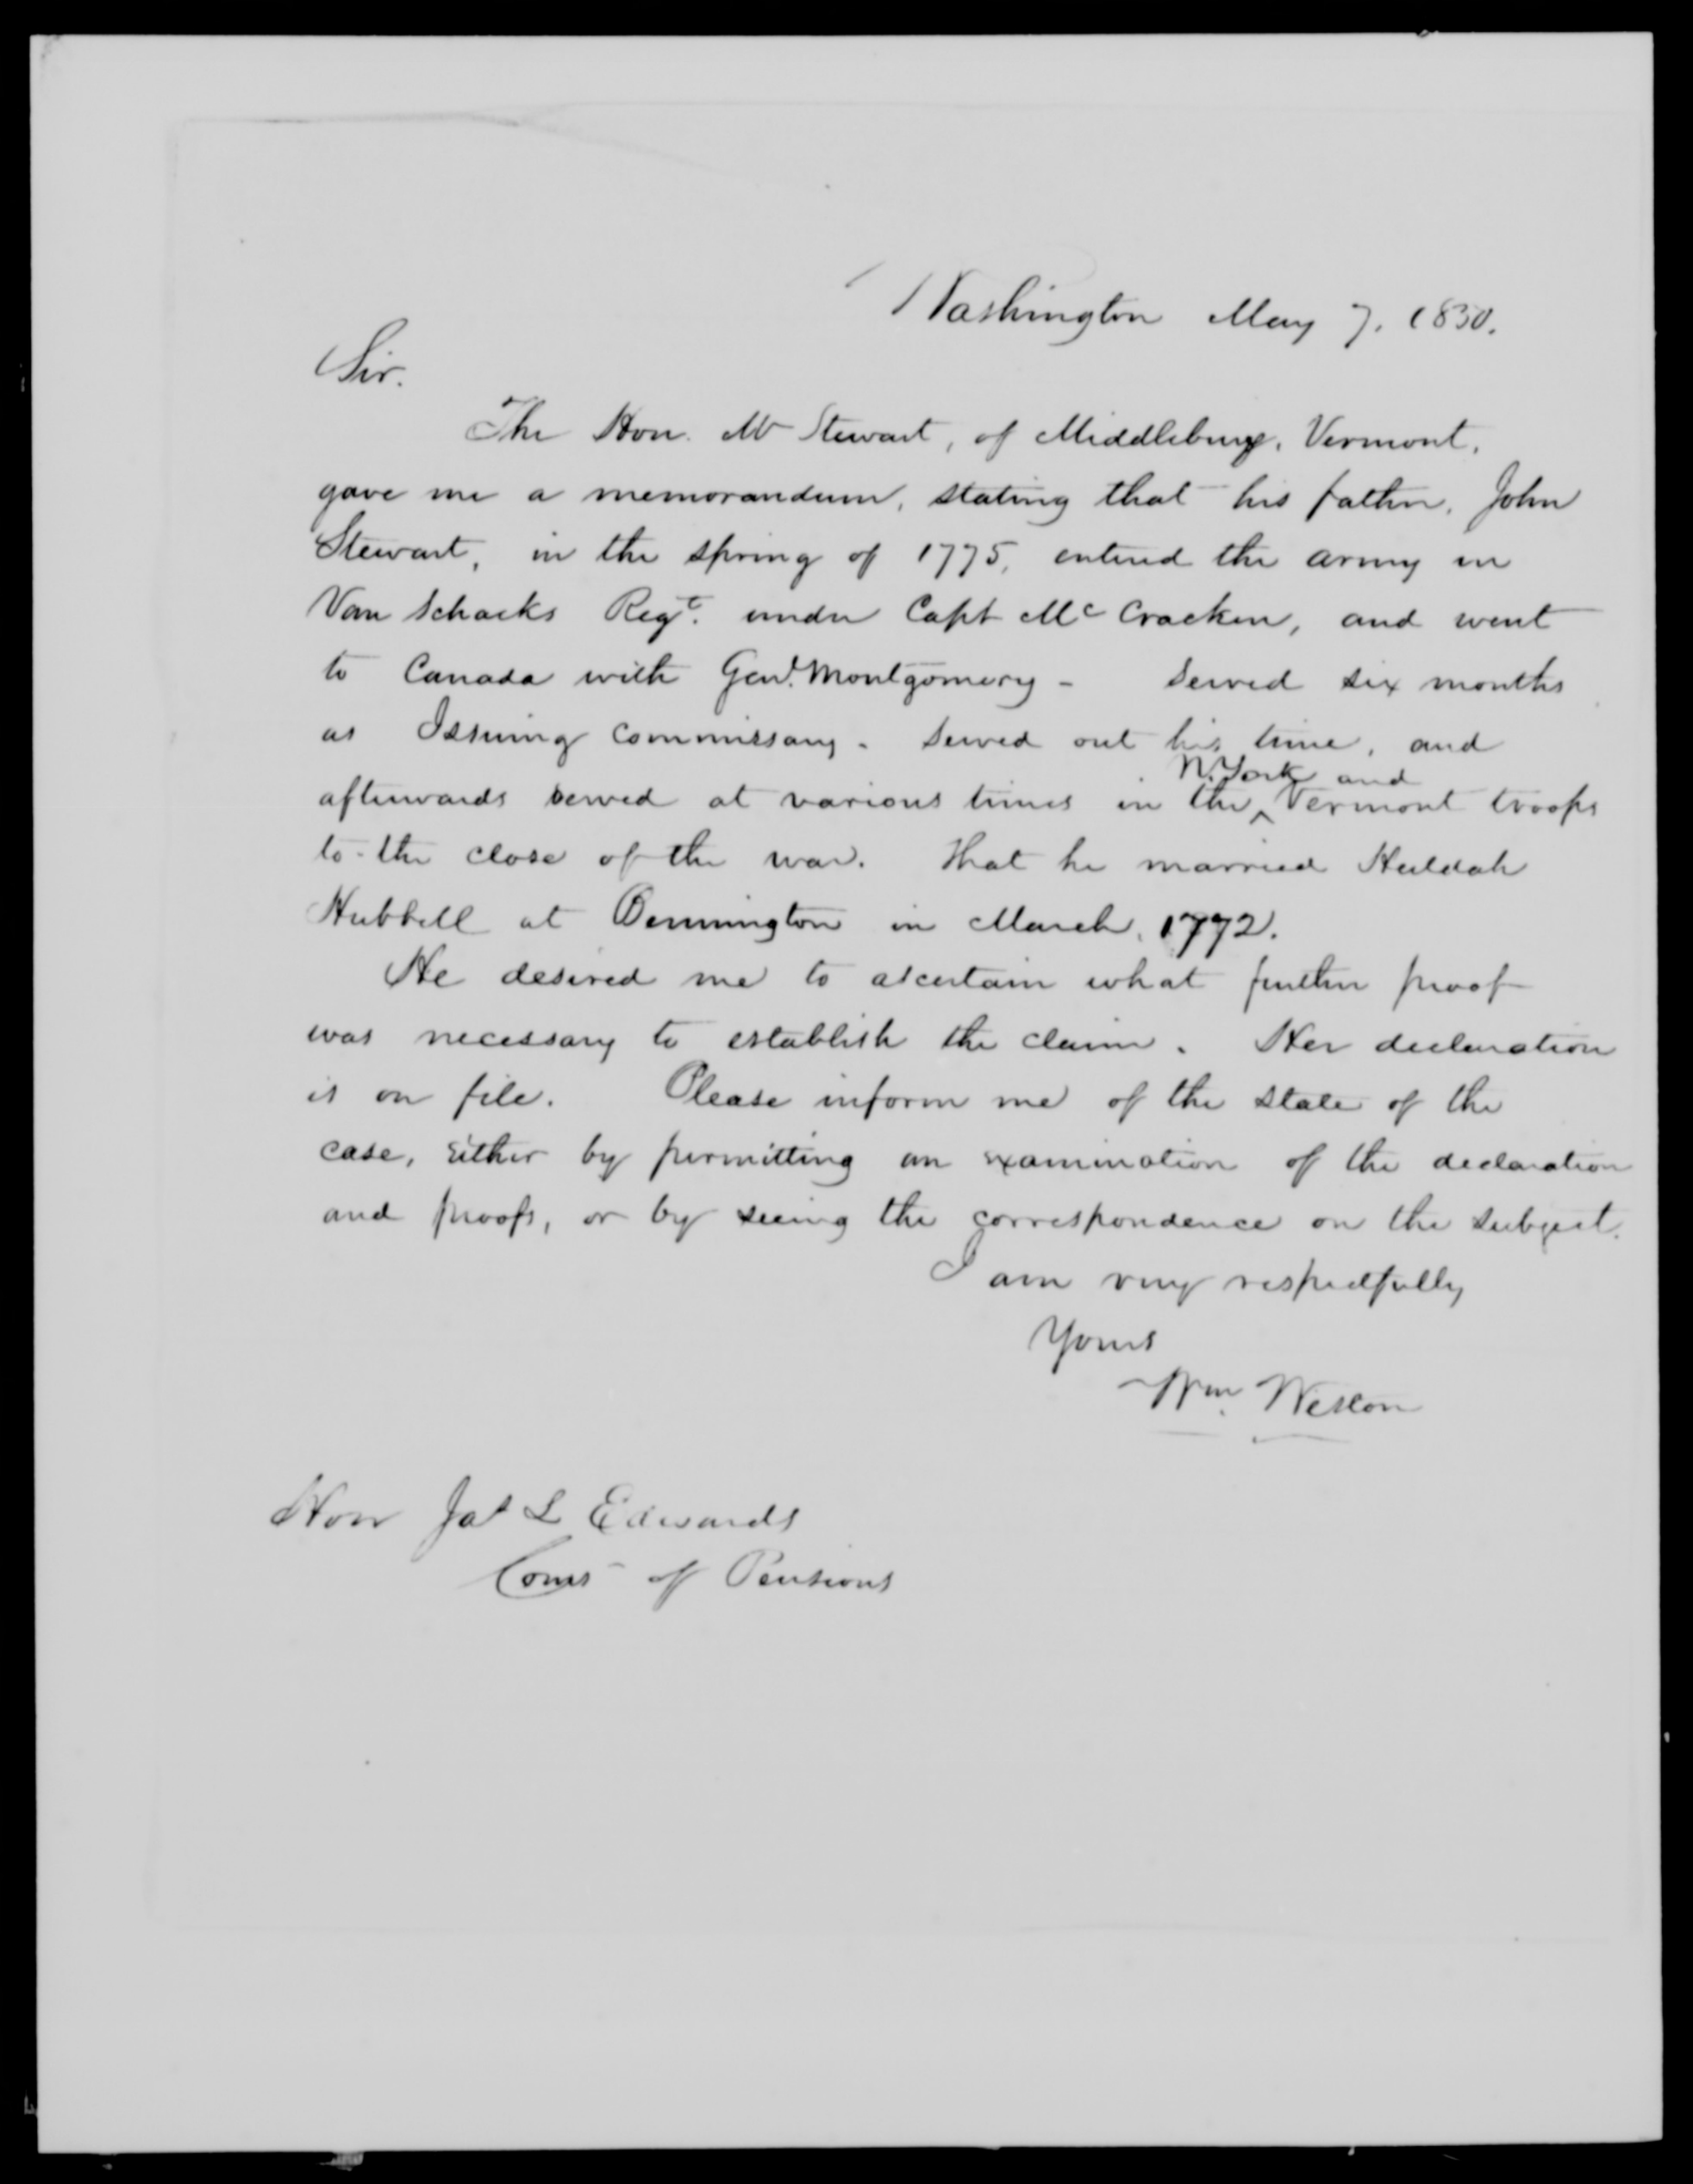Washington May 7. 1830
Sir
The Hon Mr Stewart, of Middlebury, Vermont.
gave me a memorandum, stating that his father, John
Stewart in the spring of 1775, entered the army in
Van Schacks Regt under Capt McCracken, and went
to Canada with Genl Montgomery - served six months
as Issuing Commissary. Served out his time, and
afterwards served at various times in the Vermont troops
to the close of the war. That he married Huldah
Hubbell at Bennington in March 1772
He desired me to ascertain what further proof
was necessary to establish the claim. Her declaration
is on file. Please inform me of the State of the
case, either by permitting an examination of the declaration
and proof, or by seeing the correspondence on the subject
I am very respectfully
Yours
Wm Weston

Hon Jas L Edwards
Court of Pensions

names: [BLANK] Stewart; [BLANK] Mc Cracken; [BLANK] Montgomery; John Stewart; Wm Weston; Jas L Edwards; Huldah Hubbell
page: 23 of 26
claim: rejected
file: R. 10,154, for John Stewart, New Hampshire